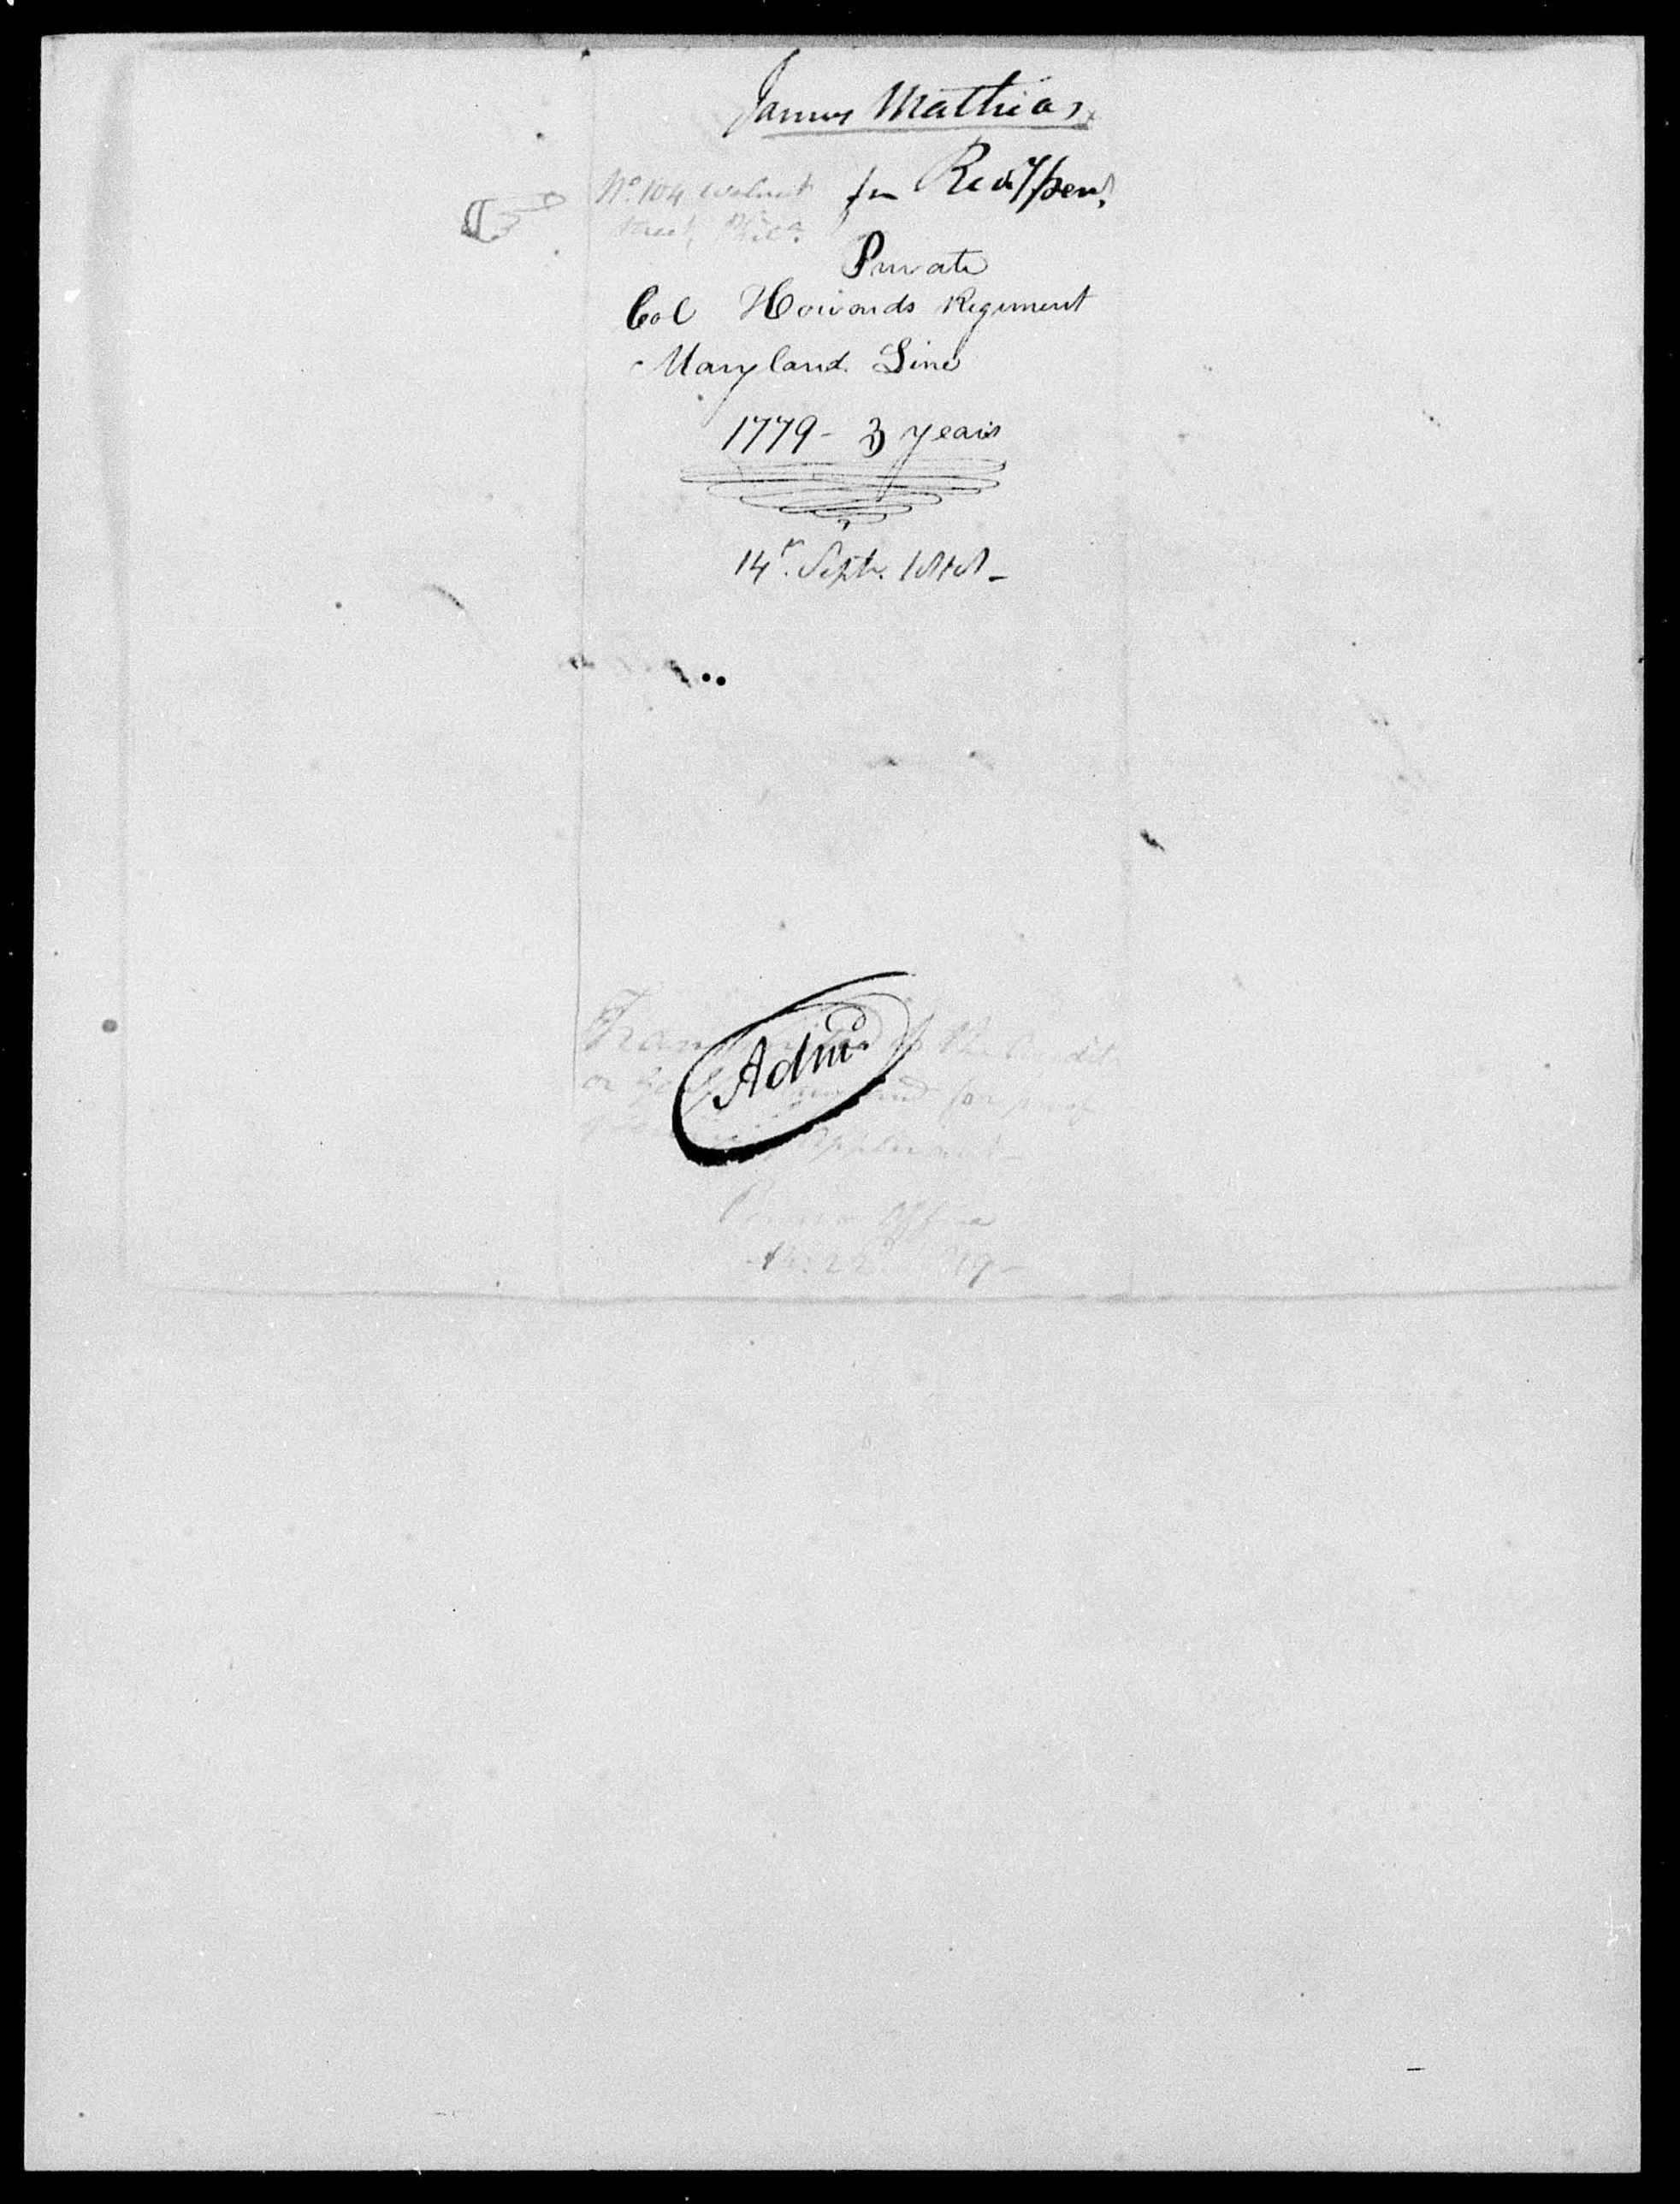James Mathias

No 104 Walnut
Street Phil'a
for Re of pen.
Private
Col Howards Regiment
Maryland Line
1779 -3 years
14th Sept. 1818

Adm.
[very light writing, covered by "Adm." ]
Franklin  ... Philadelphia
or Gen'l ... for proof 
.... applicant's
Pension Office
.....22nd, 1819 -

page: 3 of 20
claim: survivor's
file: S. 40,119, for James Mathias, Maryland